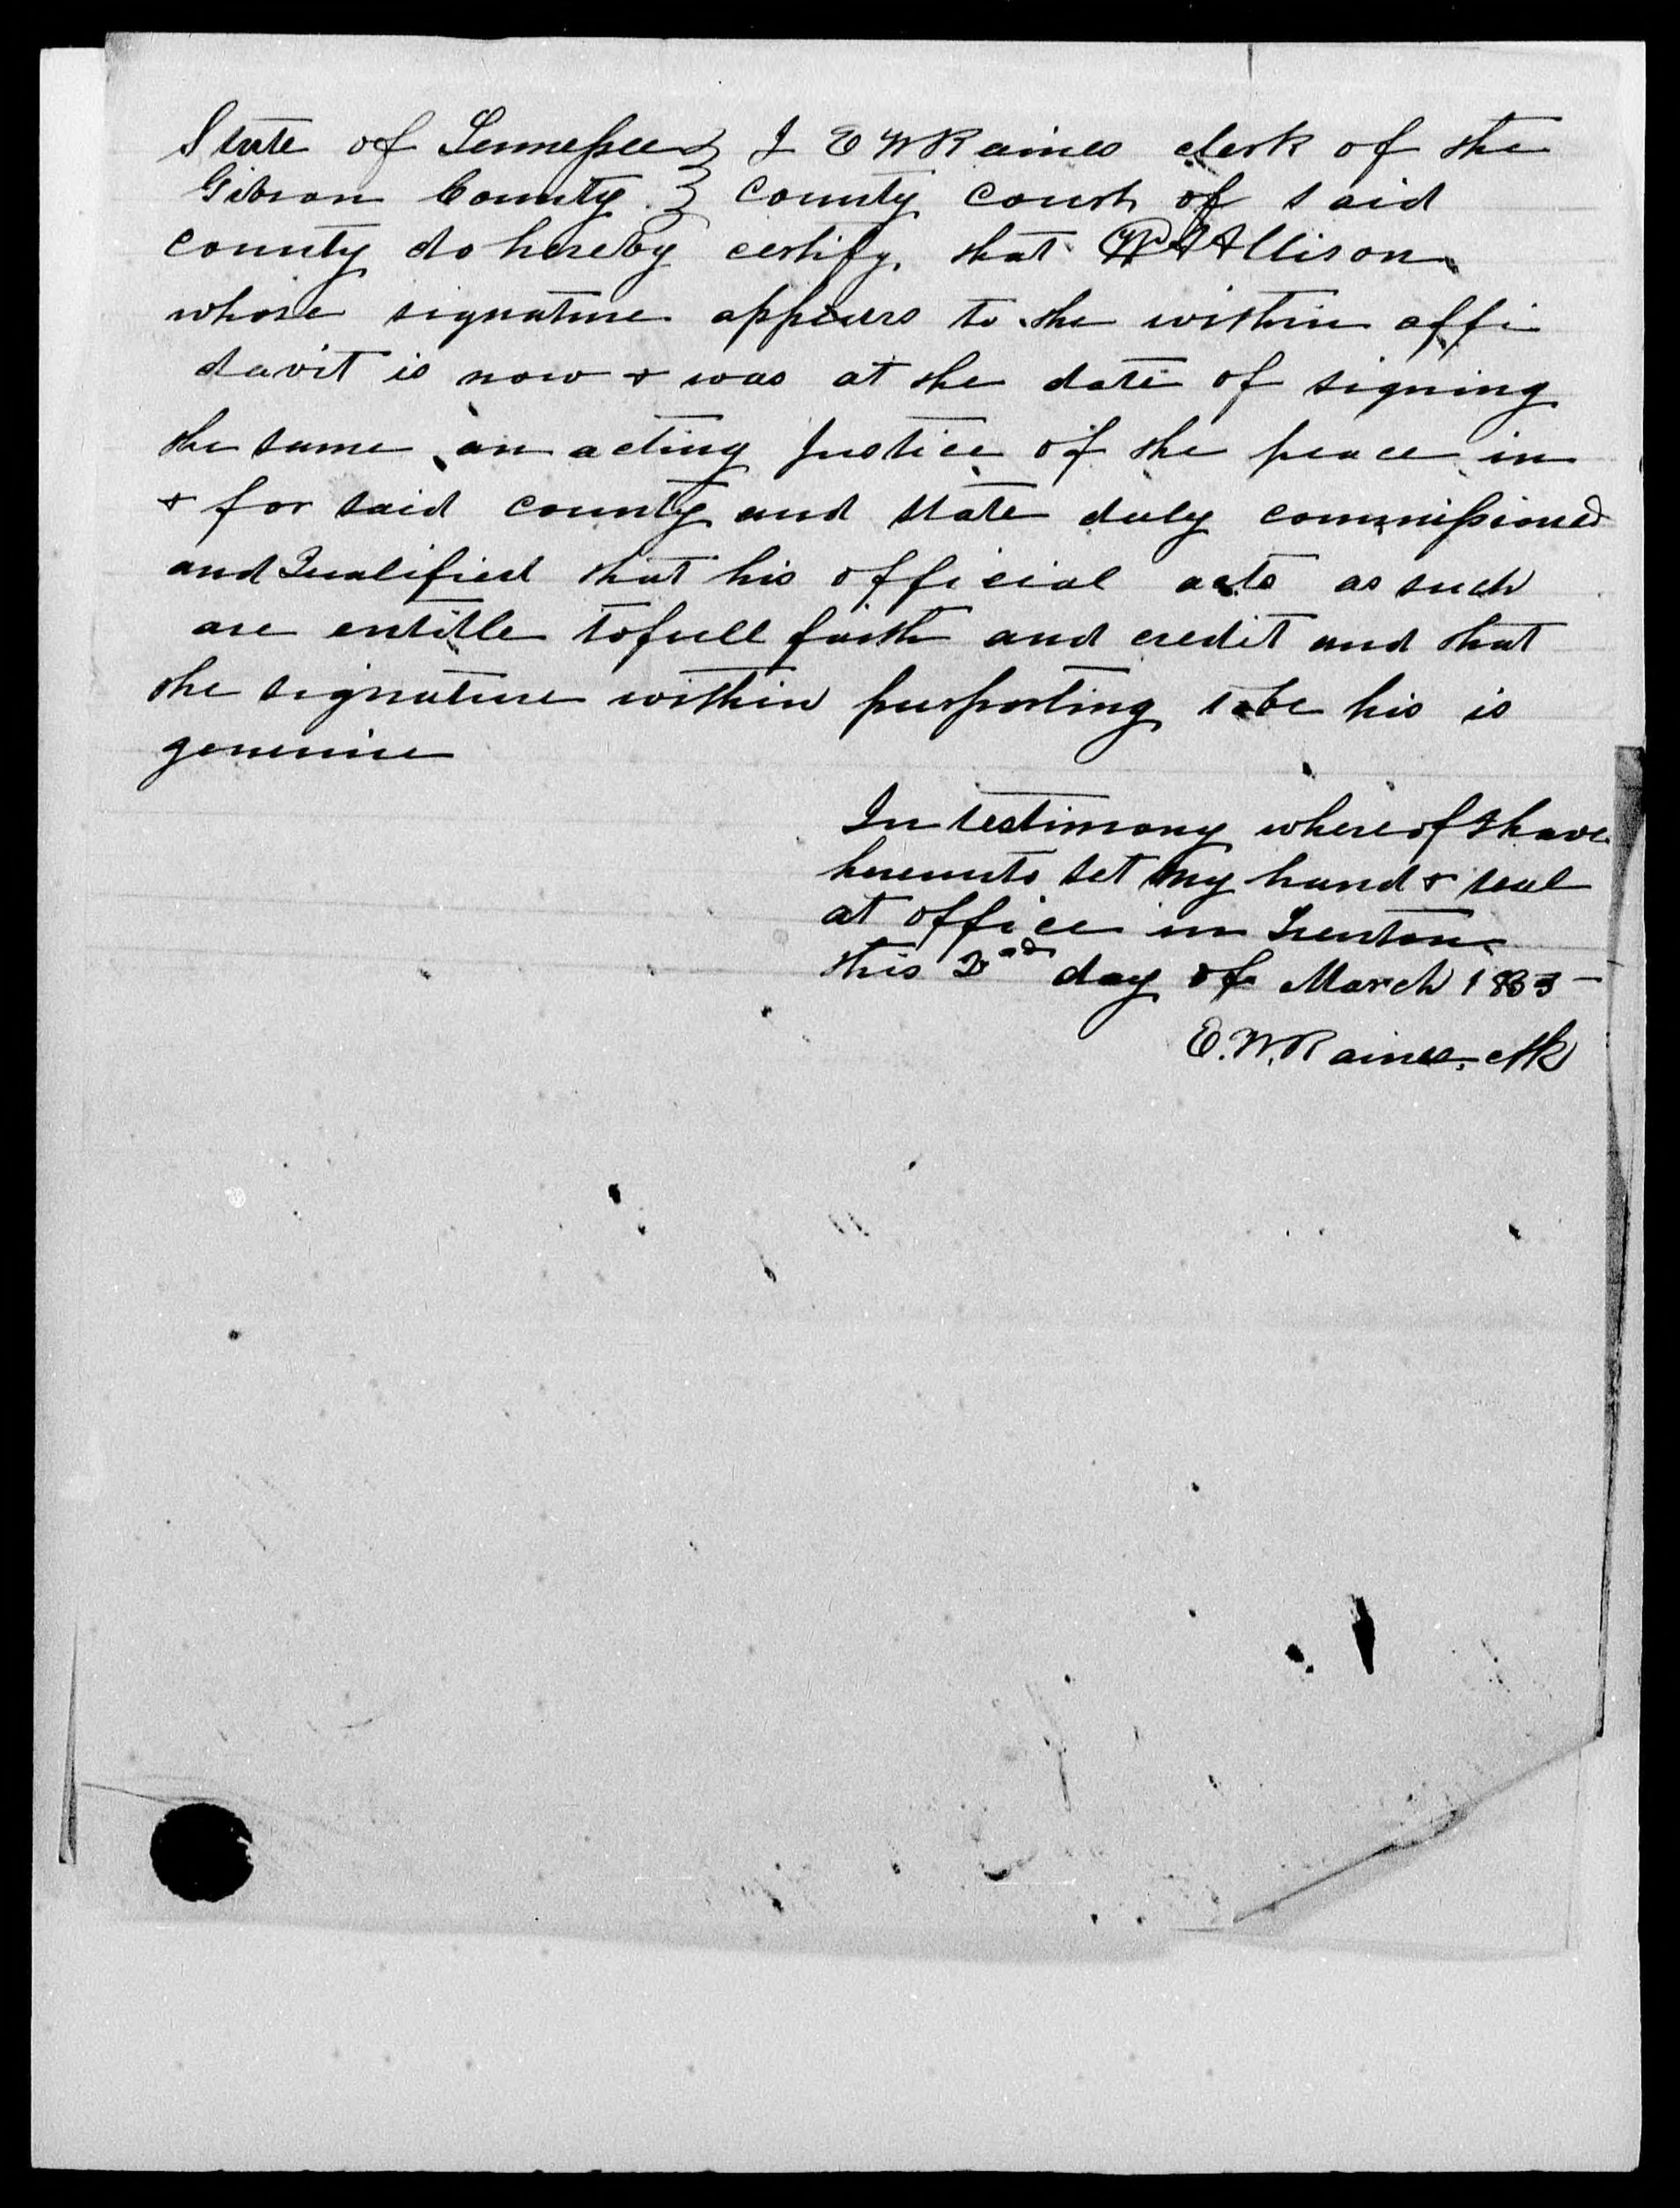State of Tennessee ⎬I E W Raines clerk of the
Gibson County         ⎬County Court of said
County do hereby certify that W A Allison
whose signature appears to the within affi
davit is now & was at the date of signing
the same an acting Justice of the peace in
& for said County and State duly commissioned
and Qualified that his official acts as such
are entitled to full faith and credit and that 
the signature within purporting to be his is
genuine

In testimony whereof have
hereunto set my hand & seal
at office in Trenton
this 2 day of March 1883 -

E.W. Raines, clk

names: W A Allison, E W Raines, E W Raines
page: 47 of 72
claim: widow's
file: W. 897, Thomas Broughton, S.C.